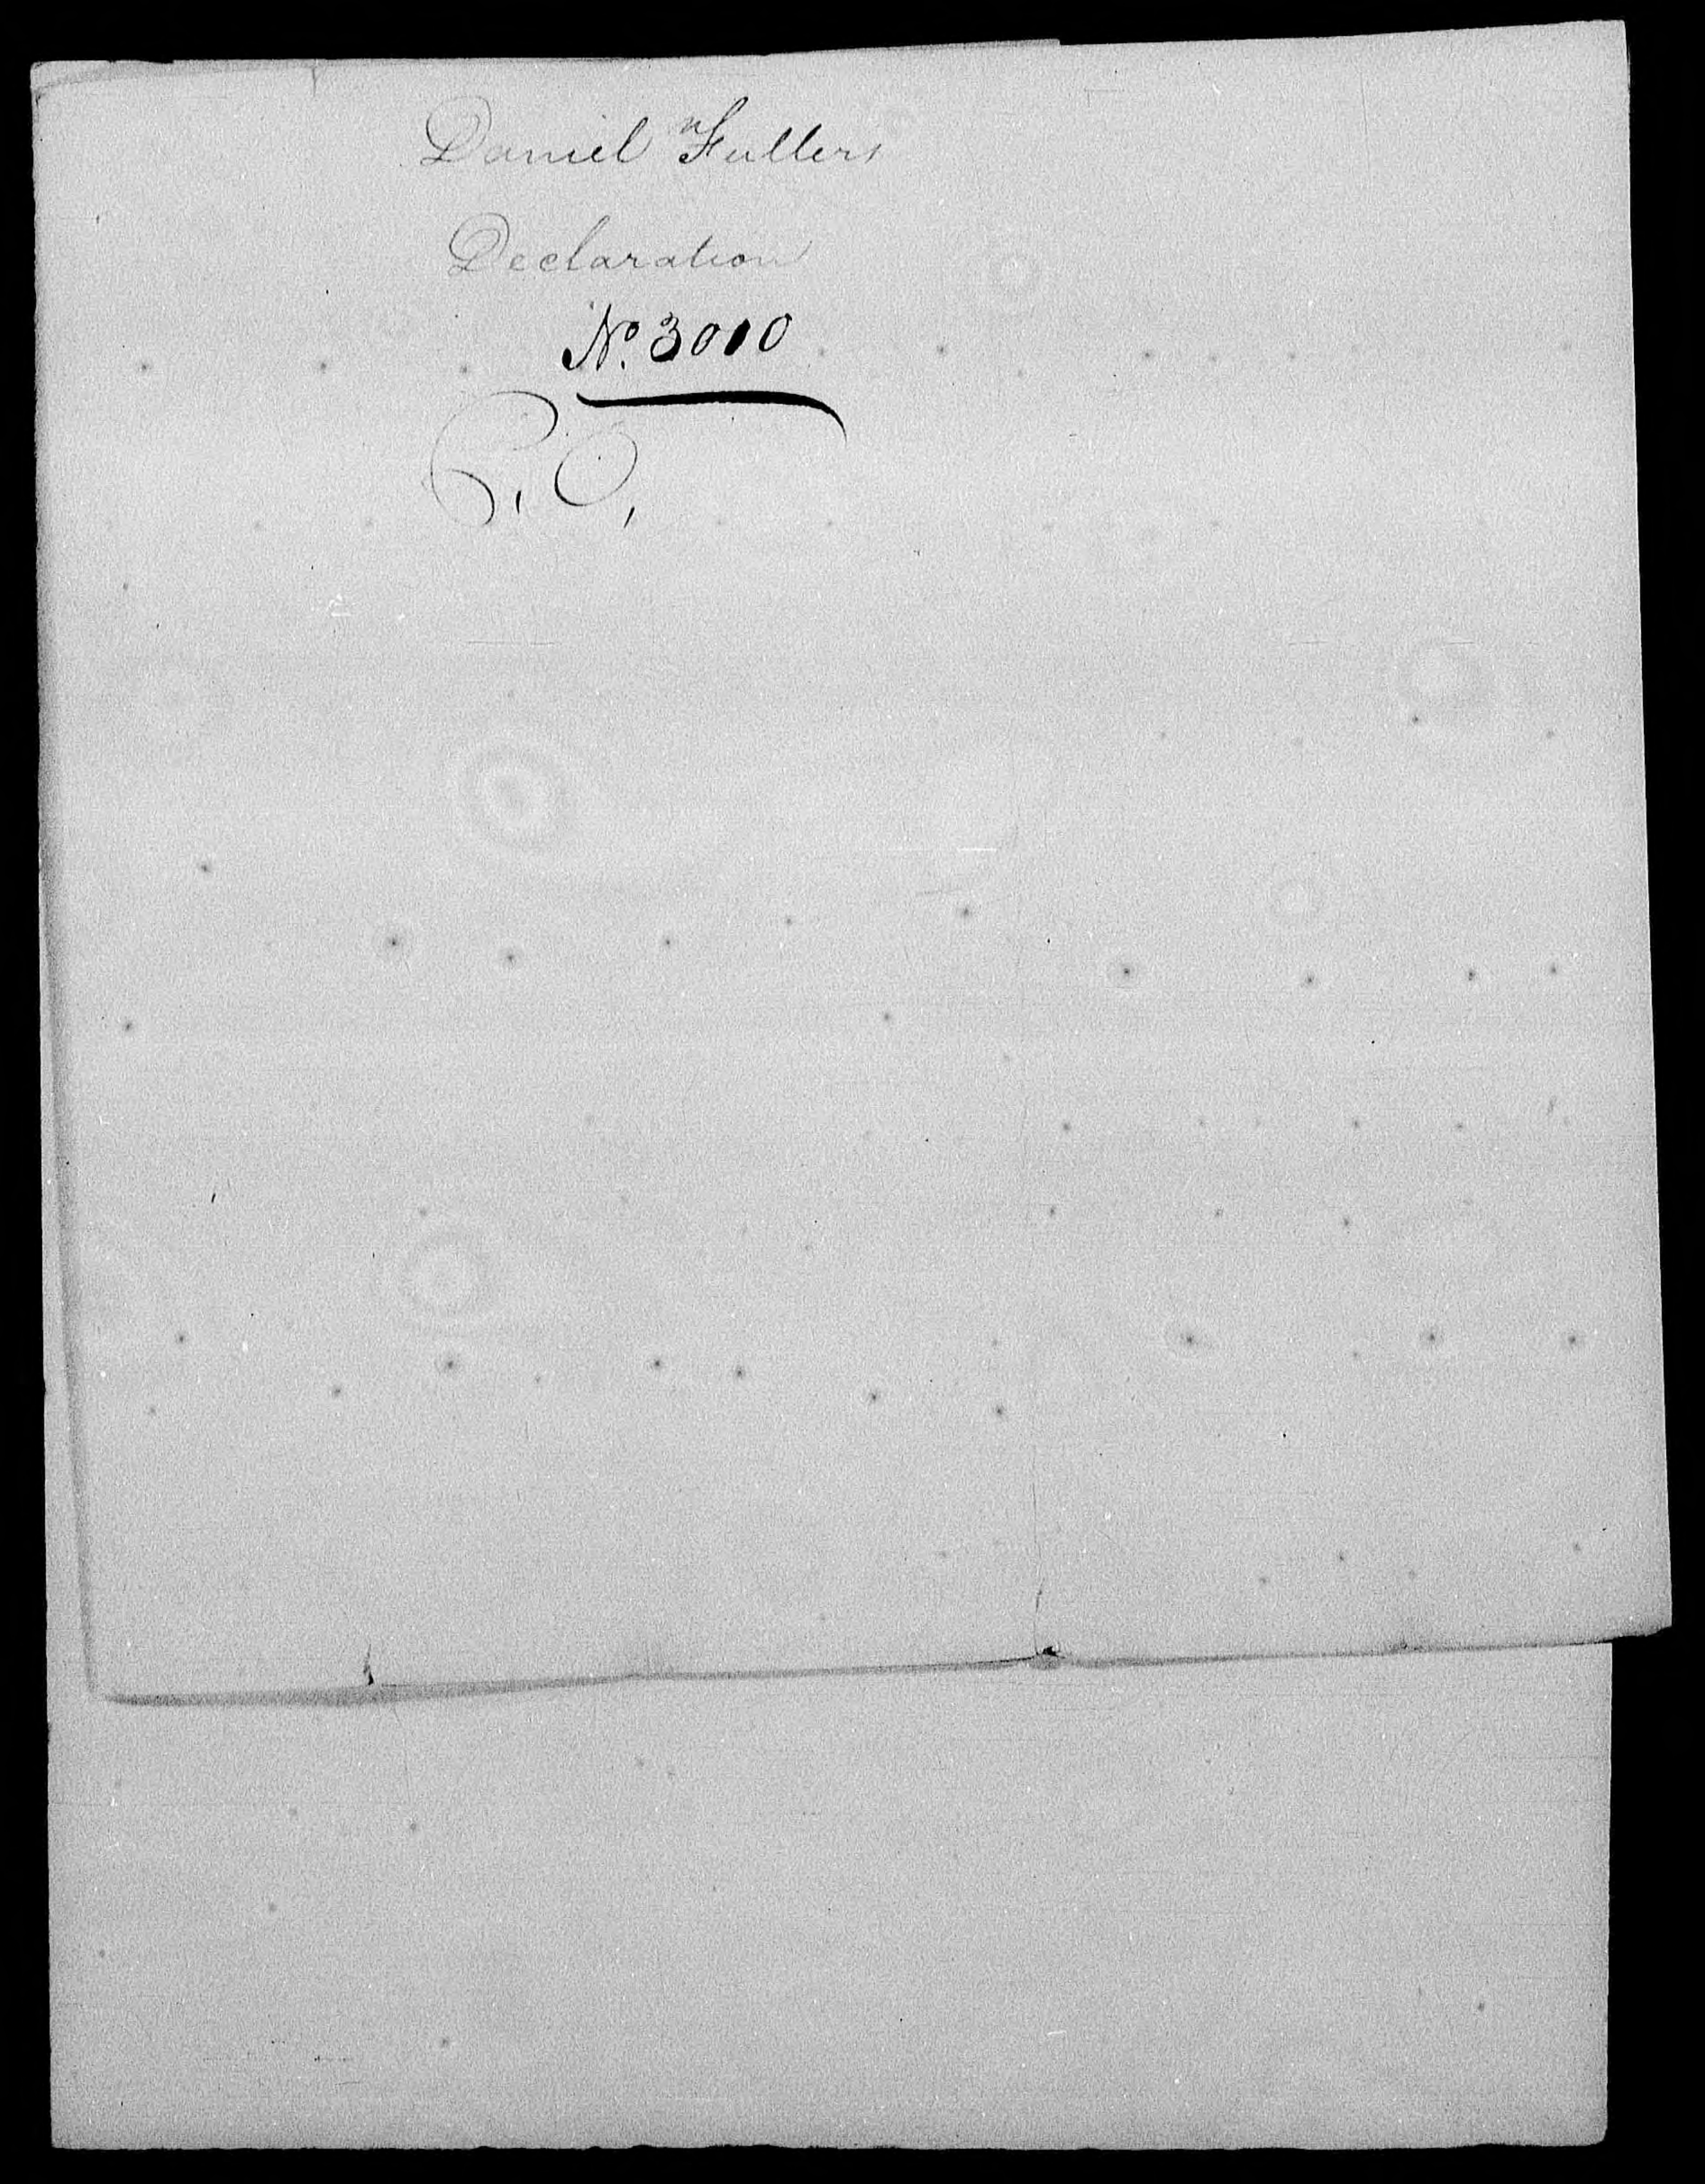Daniel Fullers Declaration
No. 3010
C.O.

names: Daniel Fuller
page: 3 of 29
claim: survivor's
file: S. 18830, Daniel Fuller, Mass.